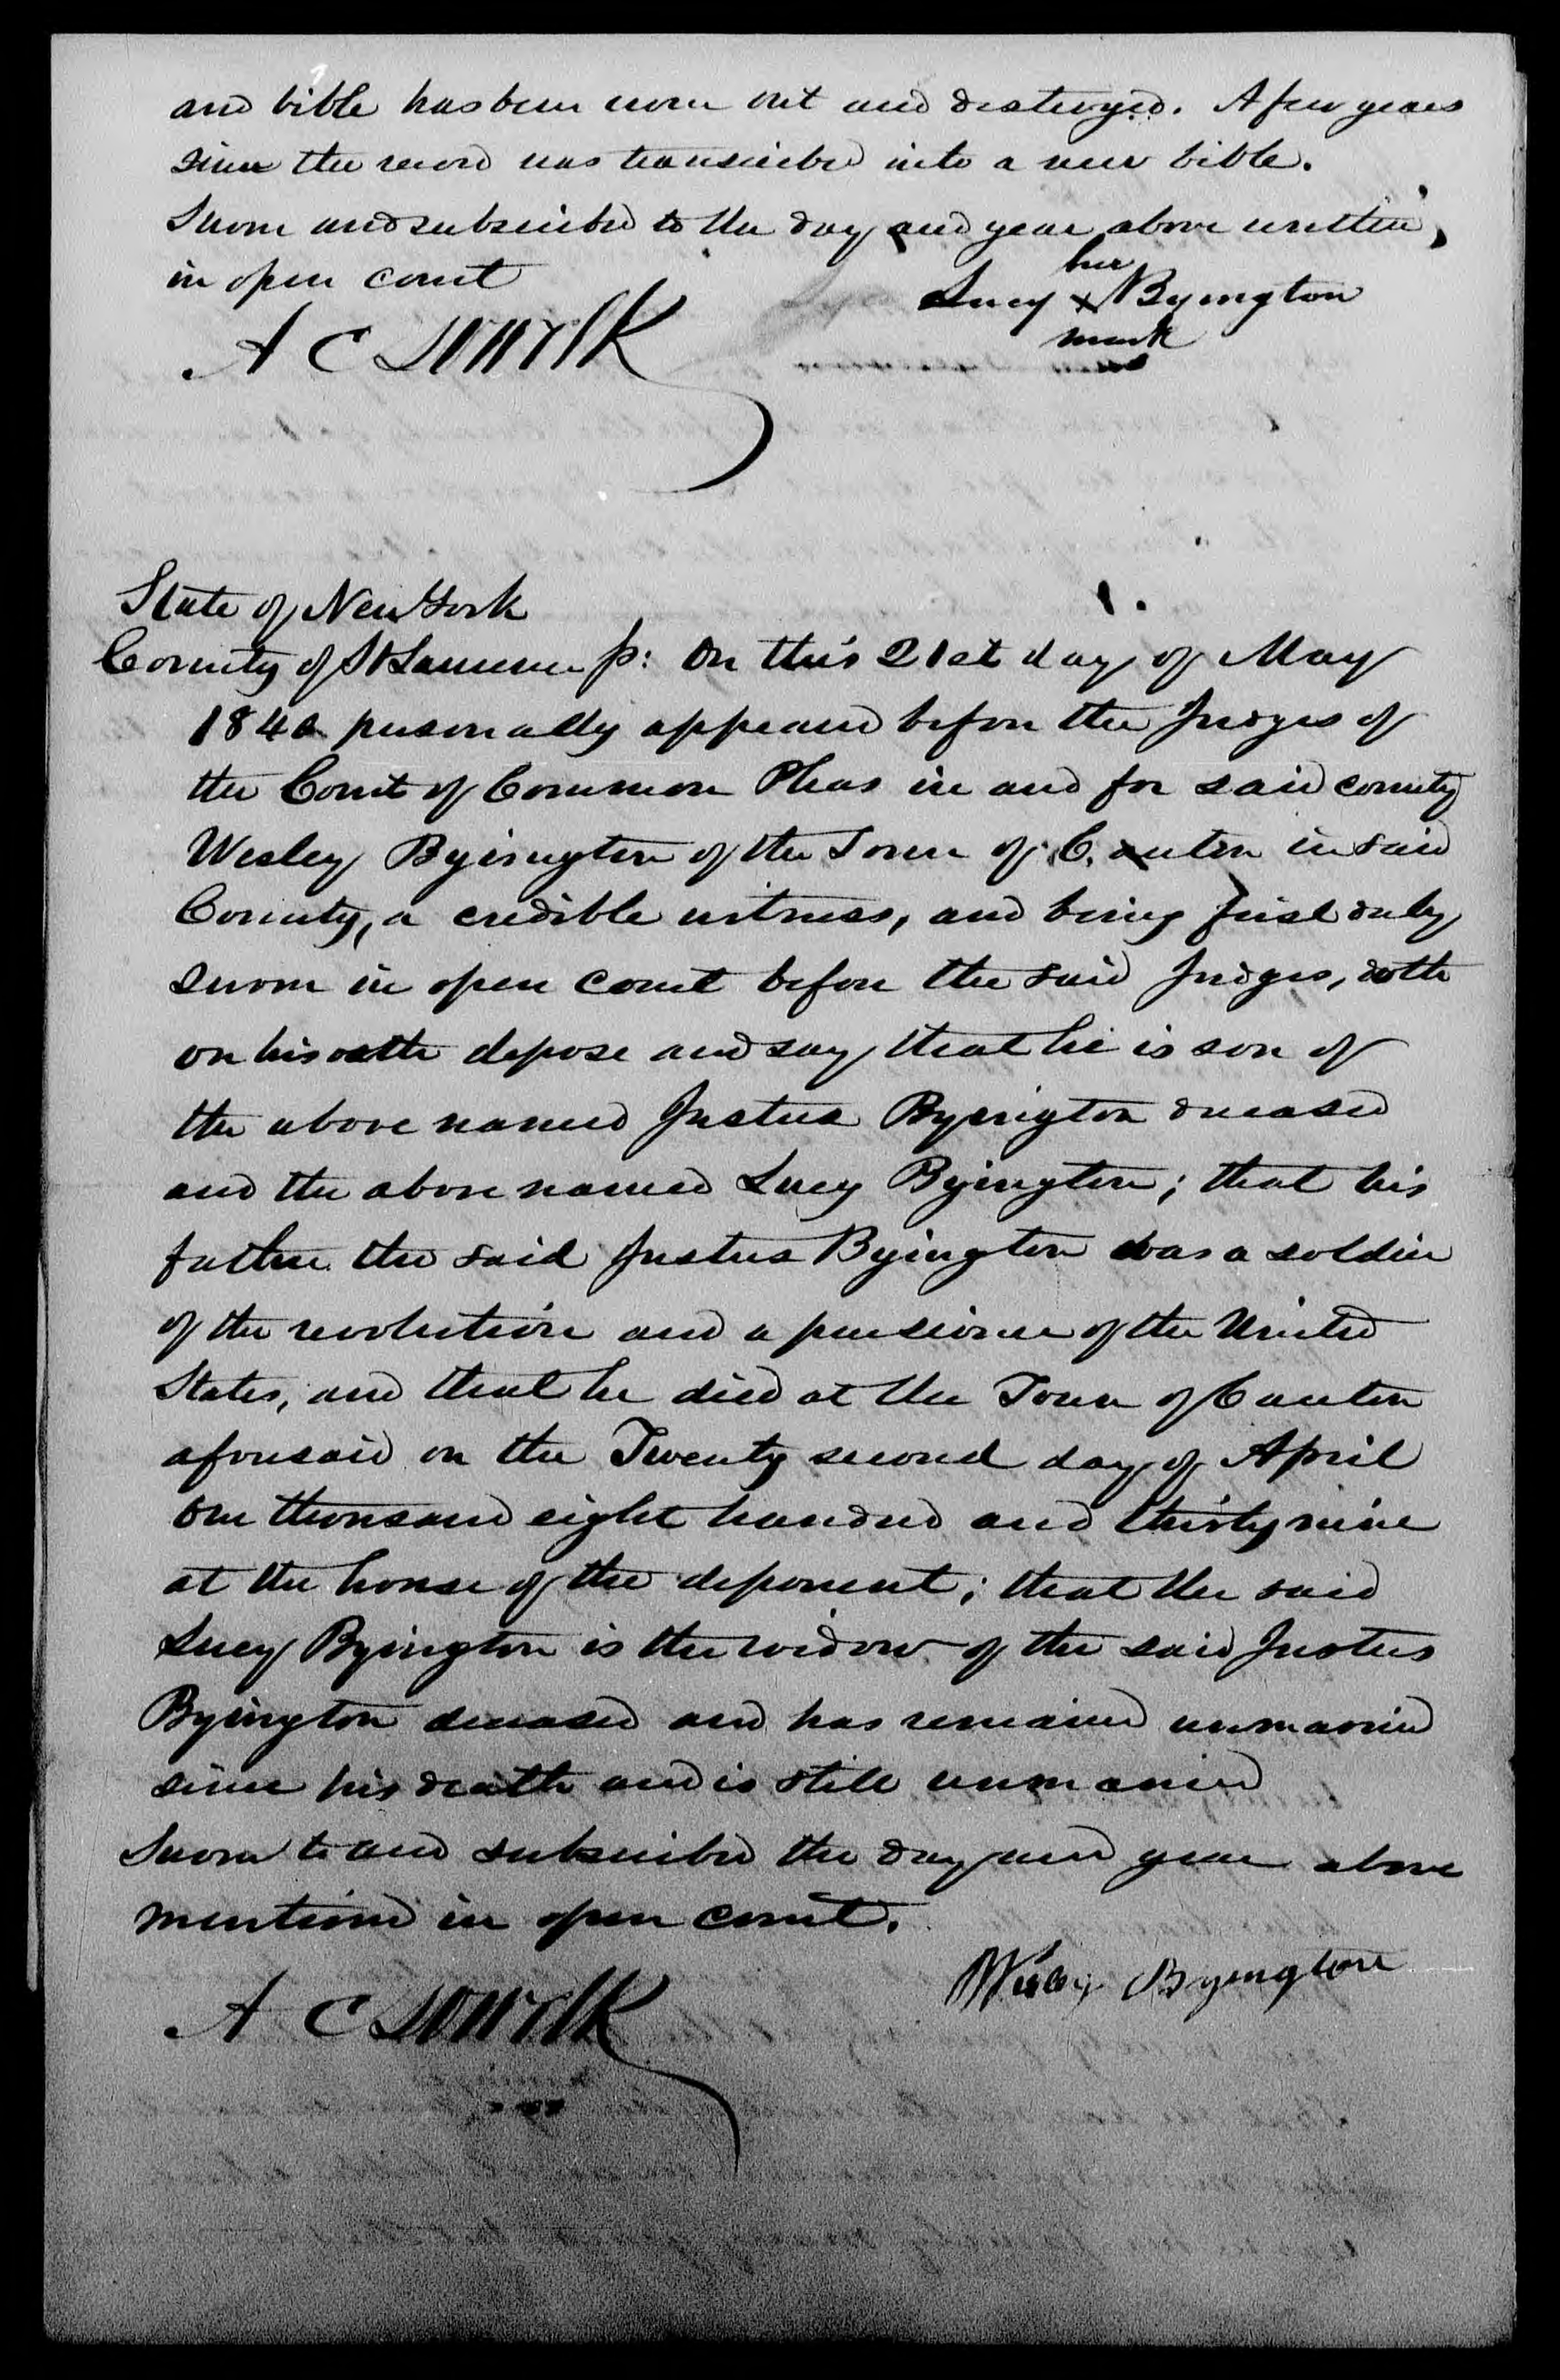and bible has been worn out and destroyed. A few years since the record was transcribed into a new bible.
Sworn and subscribed to the day and year above written in open court
Lucy (her X mark) Byington
A C Low  clk


State f New York
County of St. Lawrence Ss:
On this 21st day of May 1842 personally appeared before the Judges of the Court of Common Pleas in and for said county Wesley Byington of the Town of Gruton in said Conty, a credible witness, and being first duly sworn in open court before the said Judges, doth on his oath depose and say that he is son of the above named Justus Byington deceased and the above named Lucy Byington; that his father the said Justus Byington was a soldier of the revolution and a pensioner of the United States, and that he died at the Town of Cauton aforesaid on the Twenty second day of April one thousand eight hundred and thirty nine at the house of the deponent; hat the said Lucy Byington is the widow of the said Justus Byington deceased and has remained unmarried since his death and is still unmarried 
Sworn to and subscribed the day and year above mentioned in open court
Wesley Byington
A C Low clk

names: Wesley Byington, Justus Byington, Wesley Byington, Justus Byington, Lucy Byington, Lucy Byington, Justus Byington, A C Low, Lucy Byington, A C Low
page: 8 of 79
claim: widow's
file: W. 23754, Justus Byington, Conn.